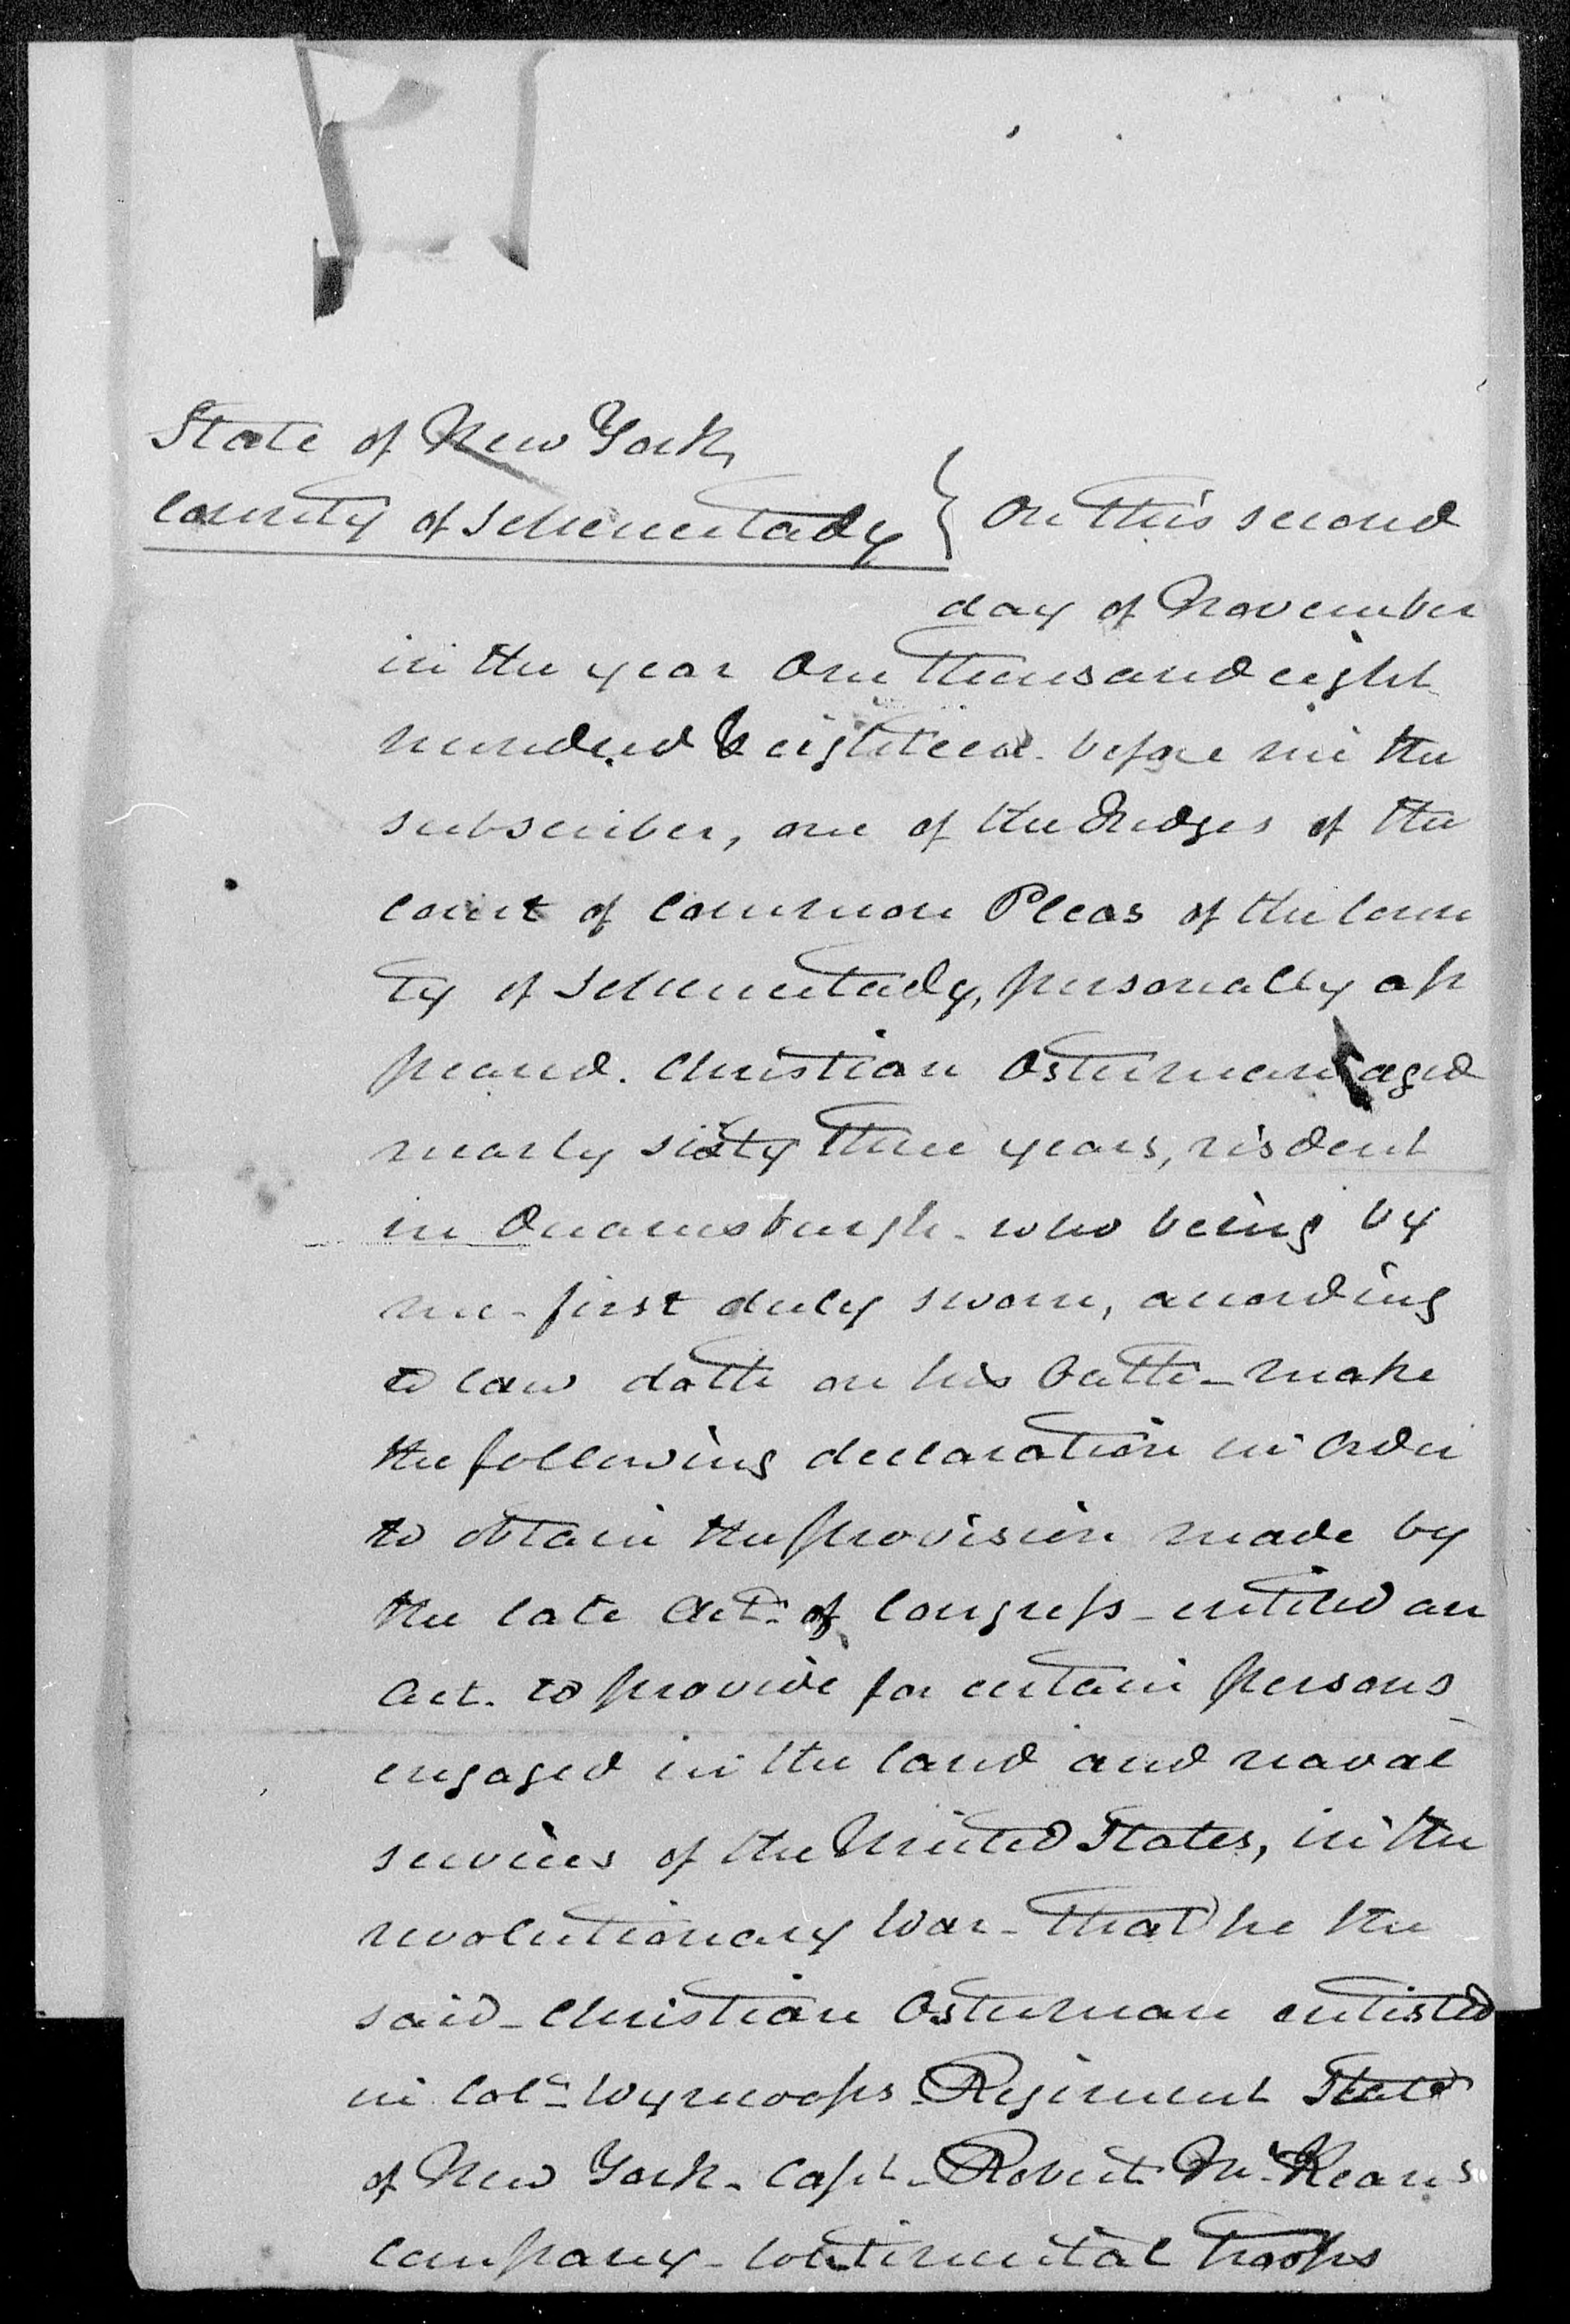State of New York
County of Schenectady } On this second day of November in the year one thousand eight hundred and eighteen before me the subscriber one of the Judges of the court of common pleas of the county of Schenectady, personally appeared Christian Osterman, aged nearly sixty three years, resident in Duanesburgh, who being first duly sworn according to law doth on his oath make the following declaration in order to obtain the provisions made by the late act of Congress entitled an act to provide for certain persons engaged in the land and naval services of the United States, in the revolutionary war. That he the said Christian Osterman enlisted in Col. Wynkoop's Regiment State of New York. Capt. Robert McKeen's company continental troops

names: Christian Osterman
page: 4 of 40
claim: widow's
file: W. 21876, for Christian Osterman, New York